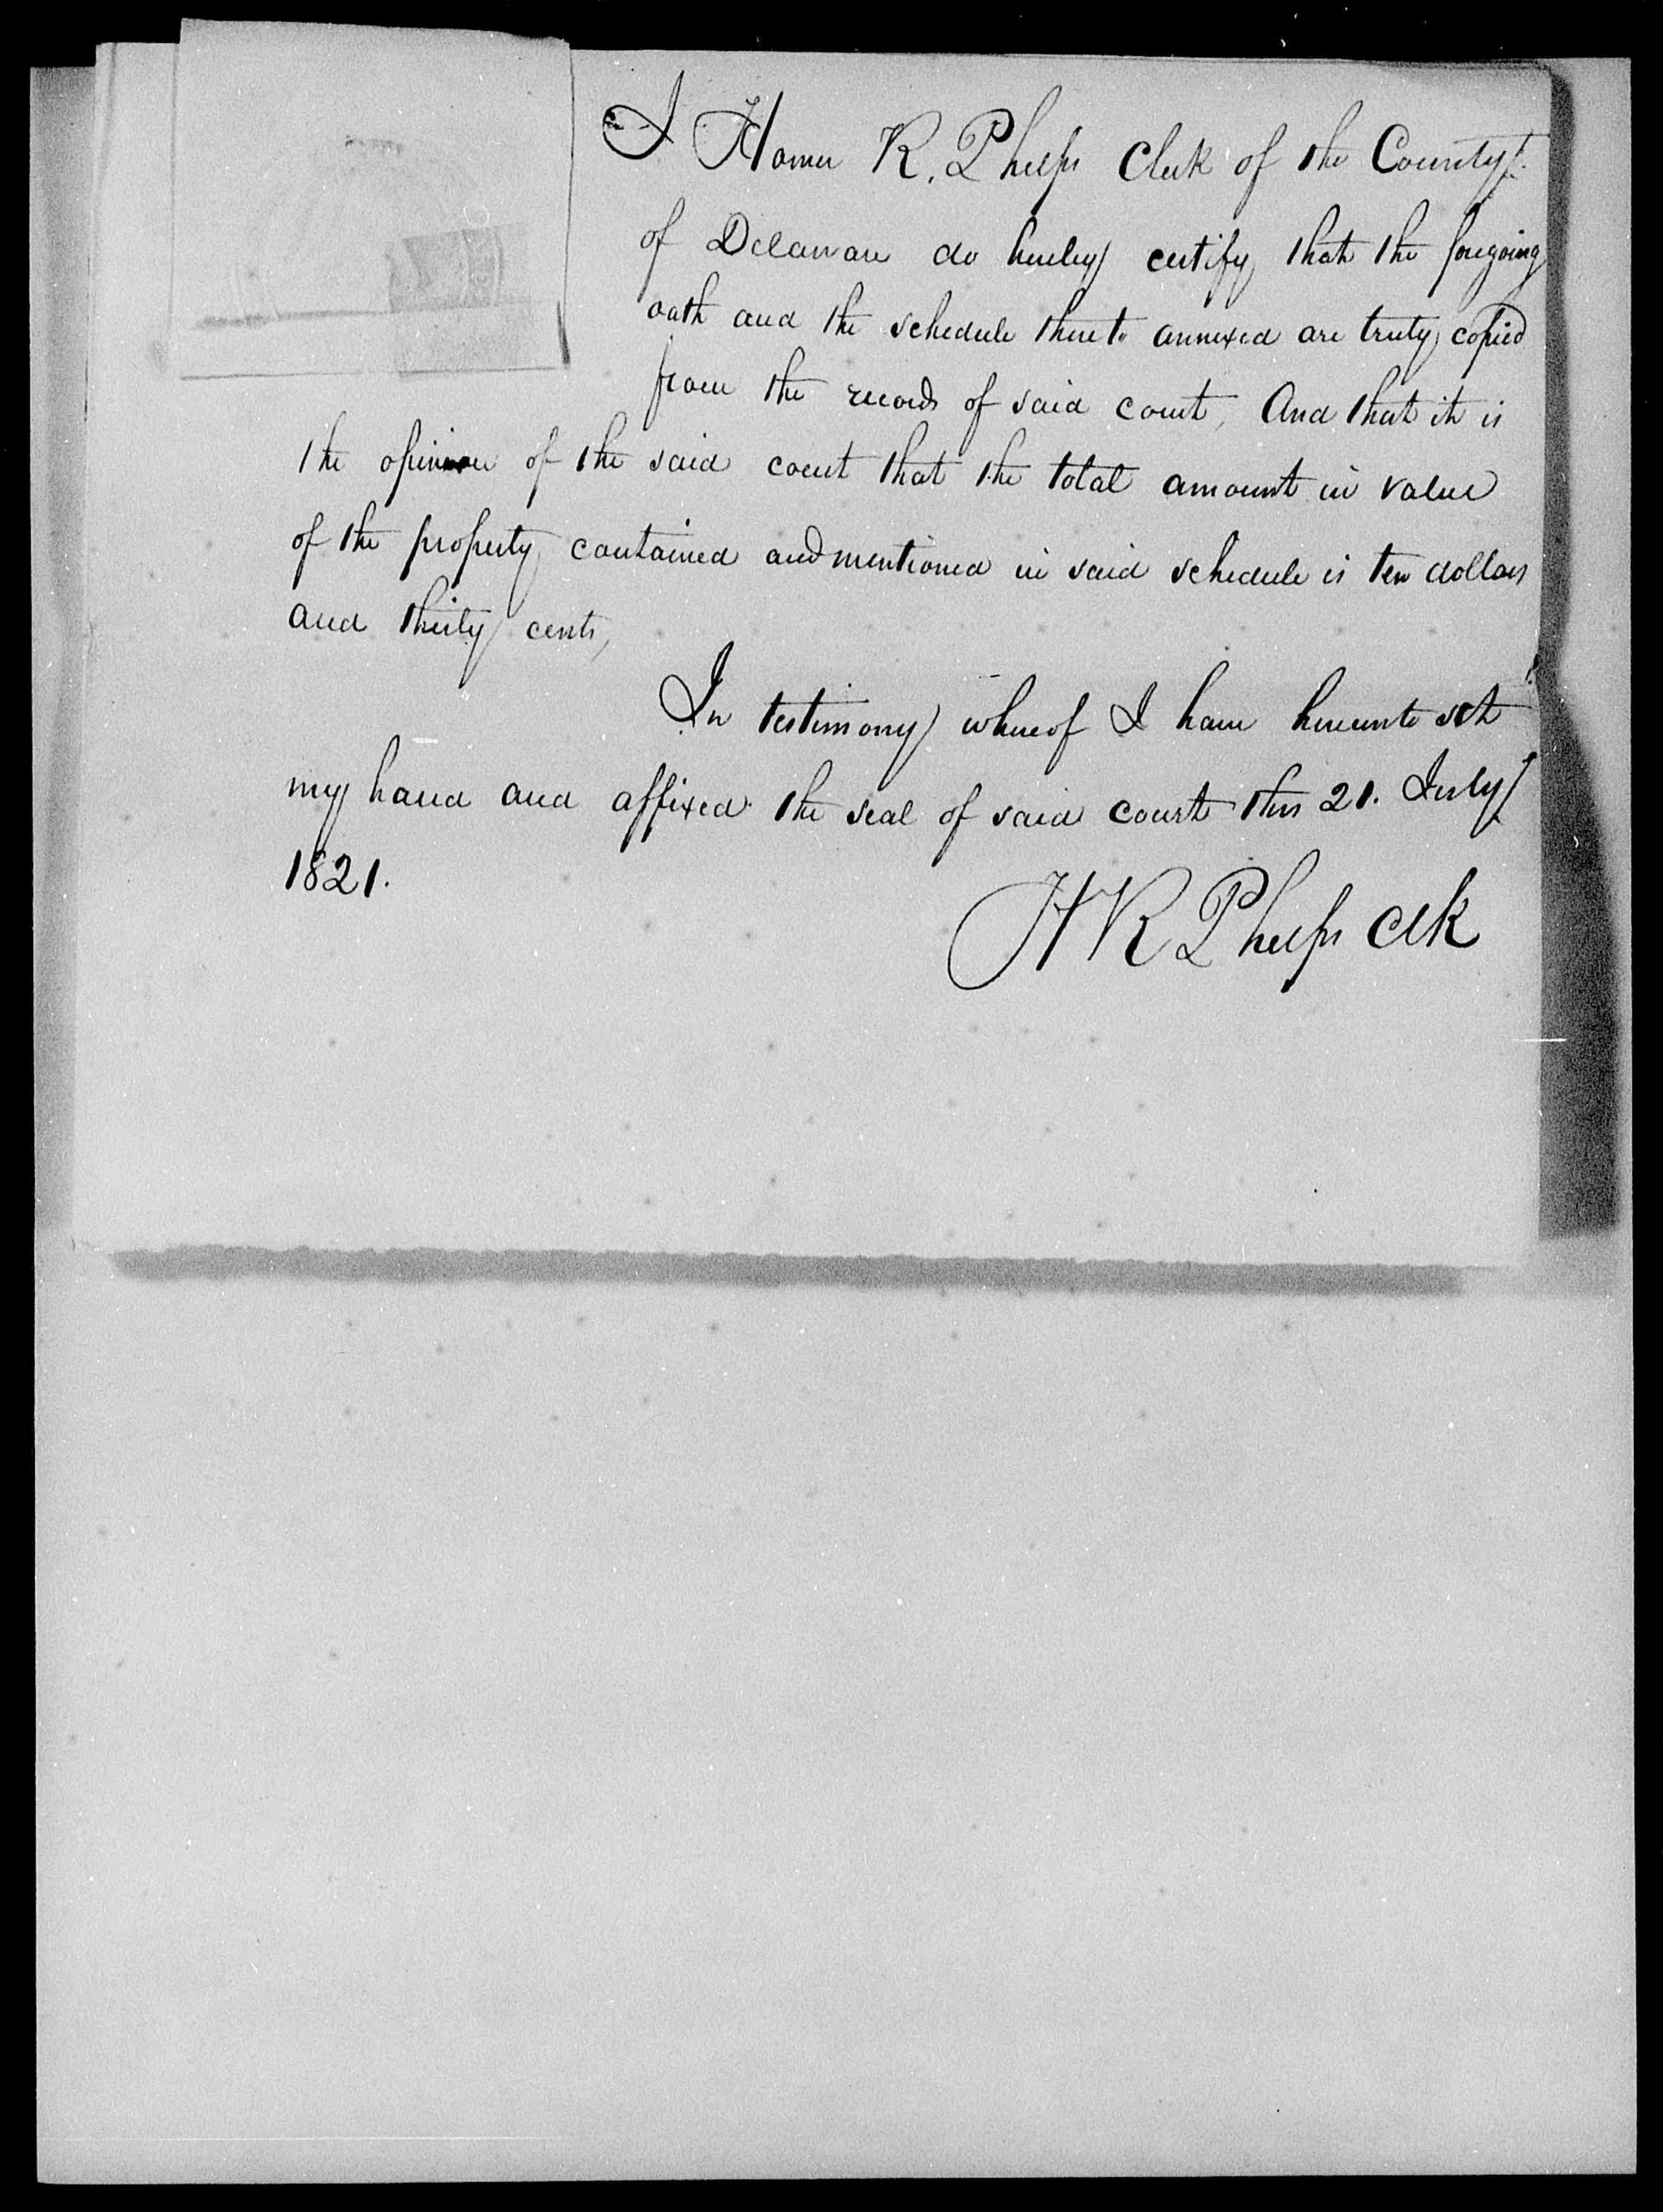[round stamp over a square paper]

I Homer R. Phelps Clerk of the County
of Delaware do hereby certify that the foregoing
oath and the schedule thereto annexed are truly copied
from the records of said Court, And that it is
the opinion of the said court that the total amount in value
of the property, contained and mentioned in said schedule is ten dollars and thirty cents

In testimony whereof I have hereunto set 
my hand and affixed the seal of said Court this 21. July
1821.

H R Phelps Clk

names: Homer R Phelps; H R Phelps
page: 16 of 40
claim: widow's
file: W. 24364, for David Ogden, New York